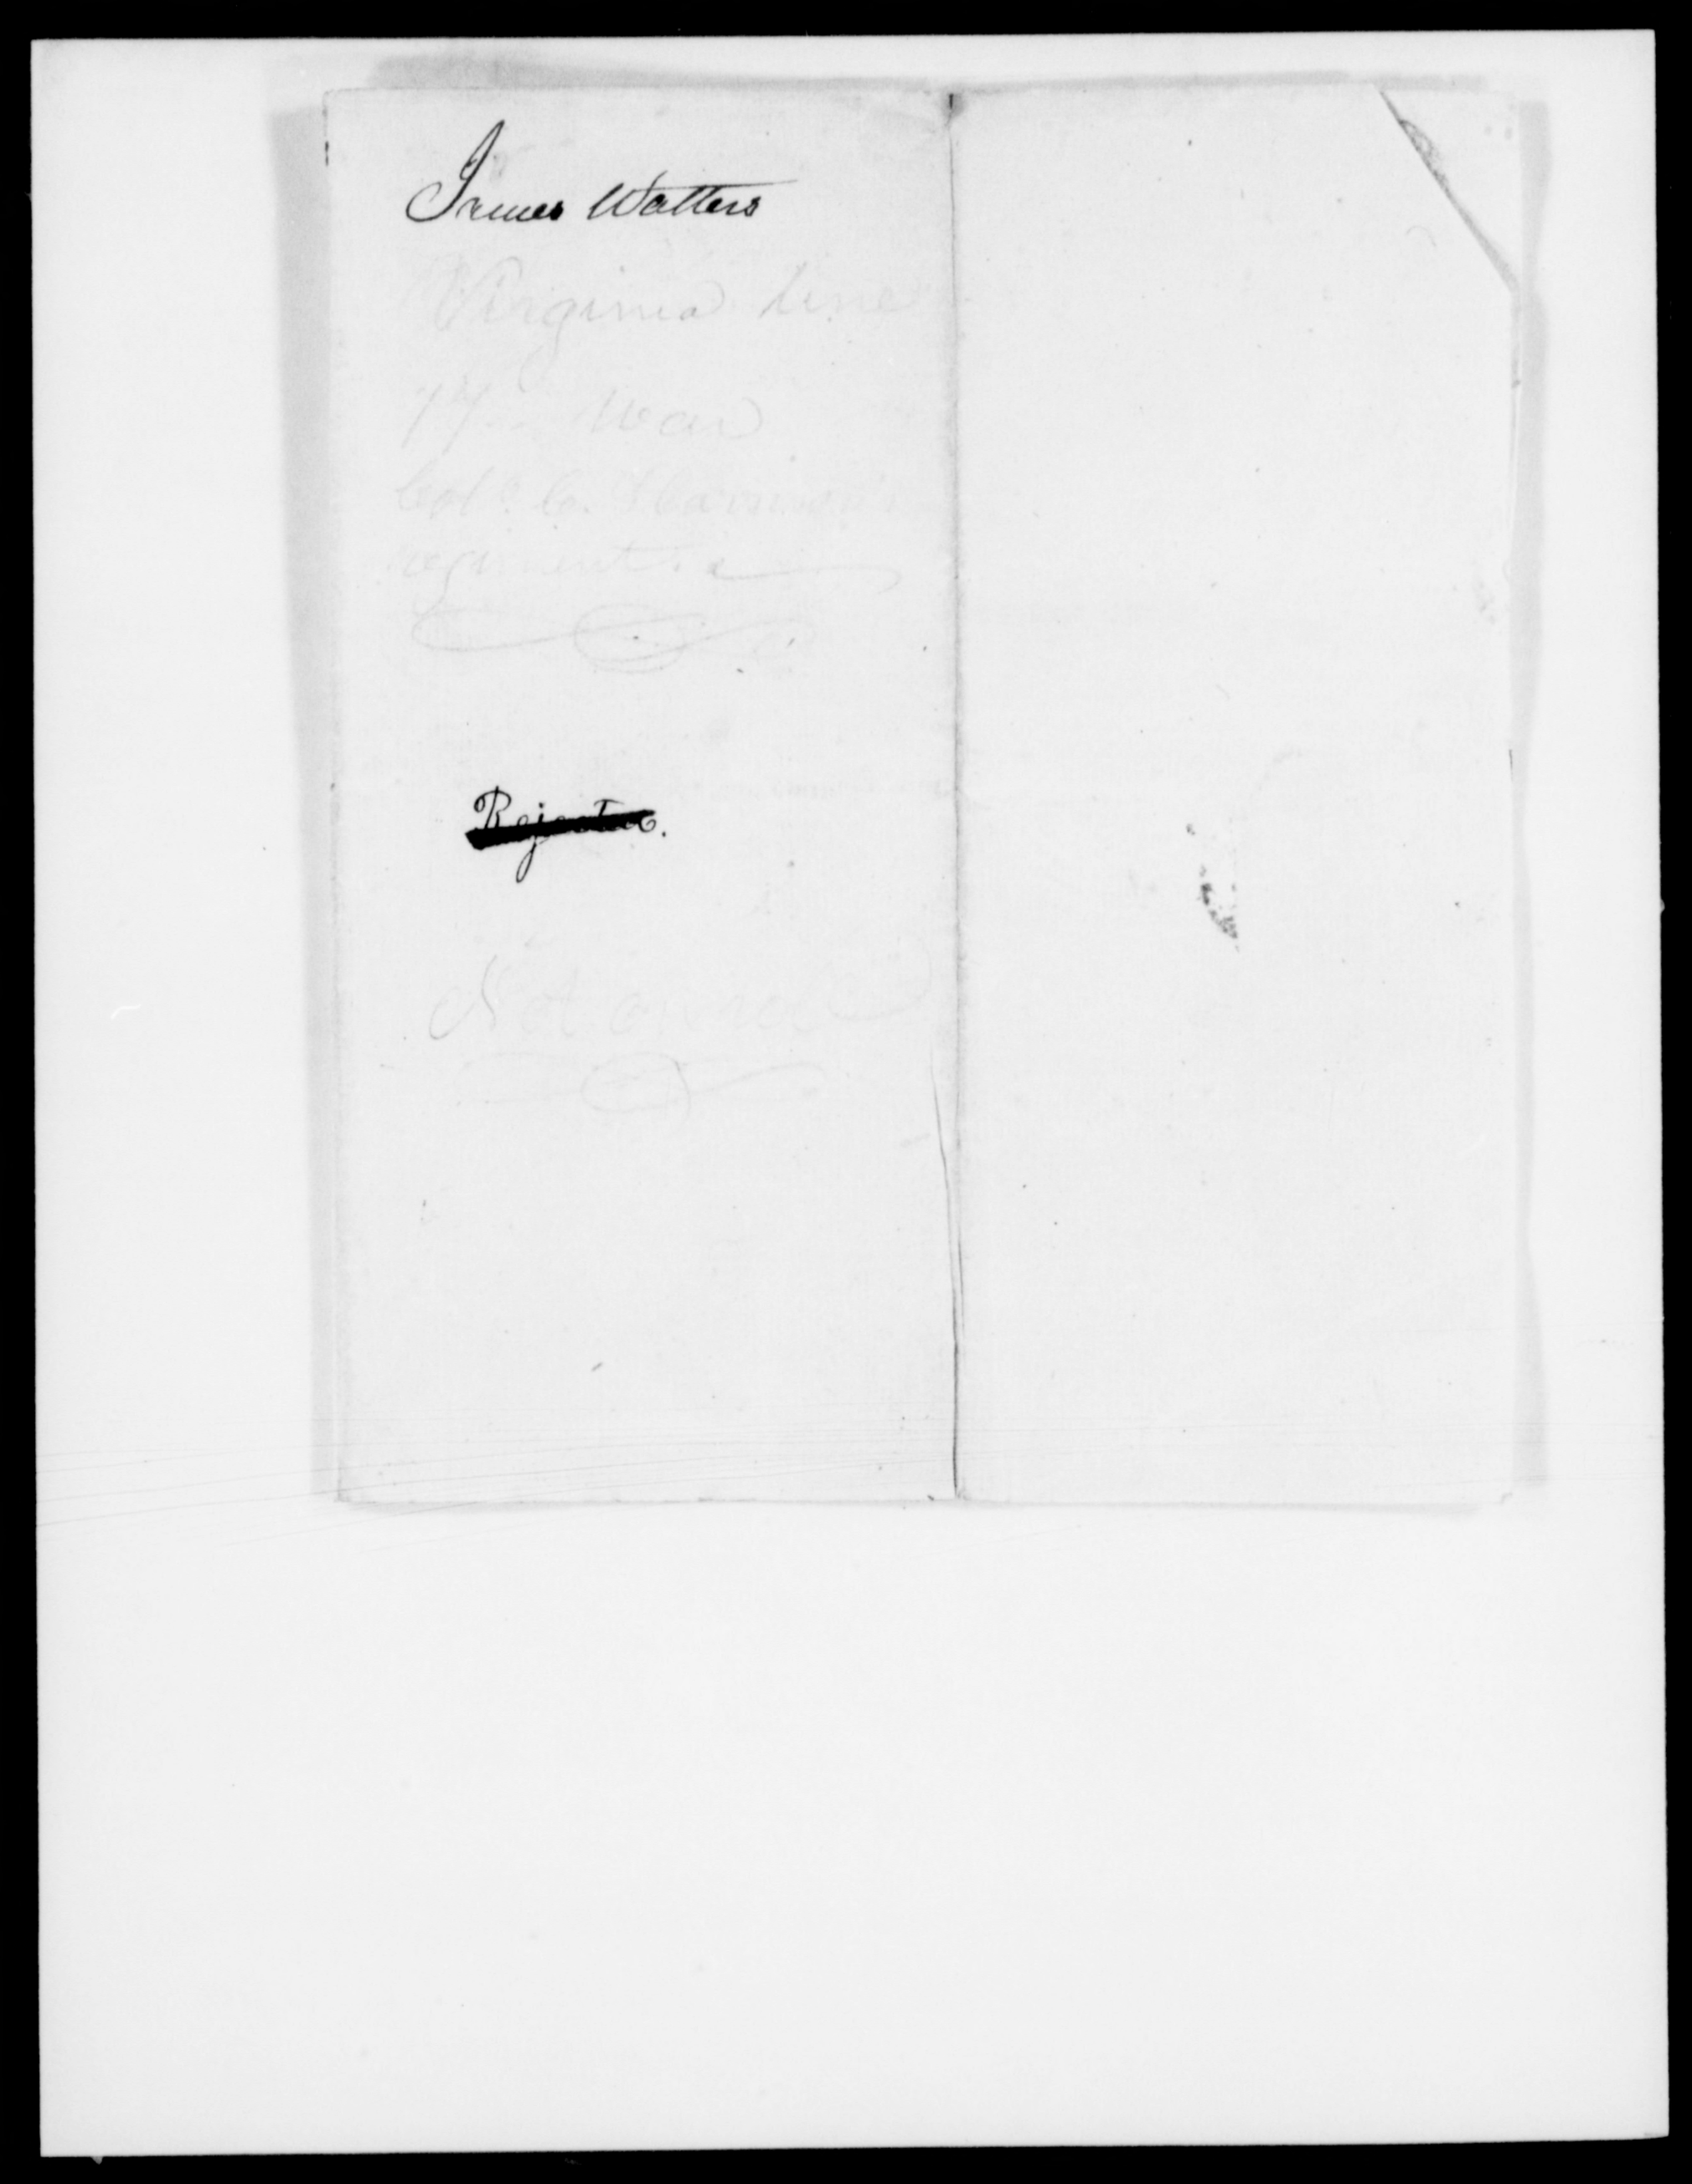James Watters
Virginia Line
77[??] War
Col. C. Harrison
[illegible]
[illegible]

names: James Watters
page: 24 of 29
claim: survivor's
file: S. 40642, James Waters, Continental (Md)